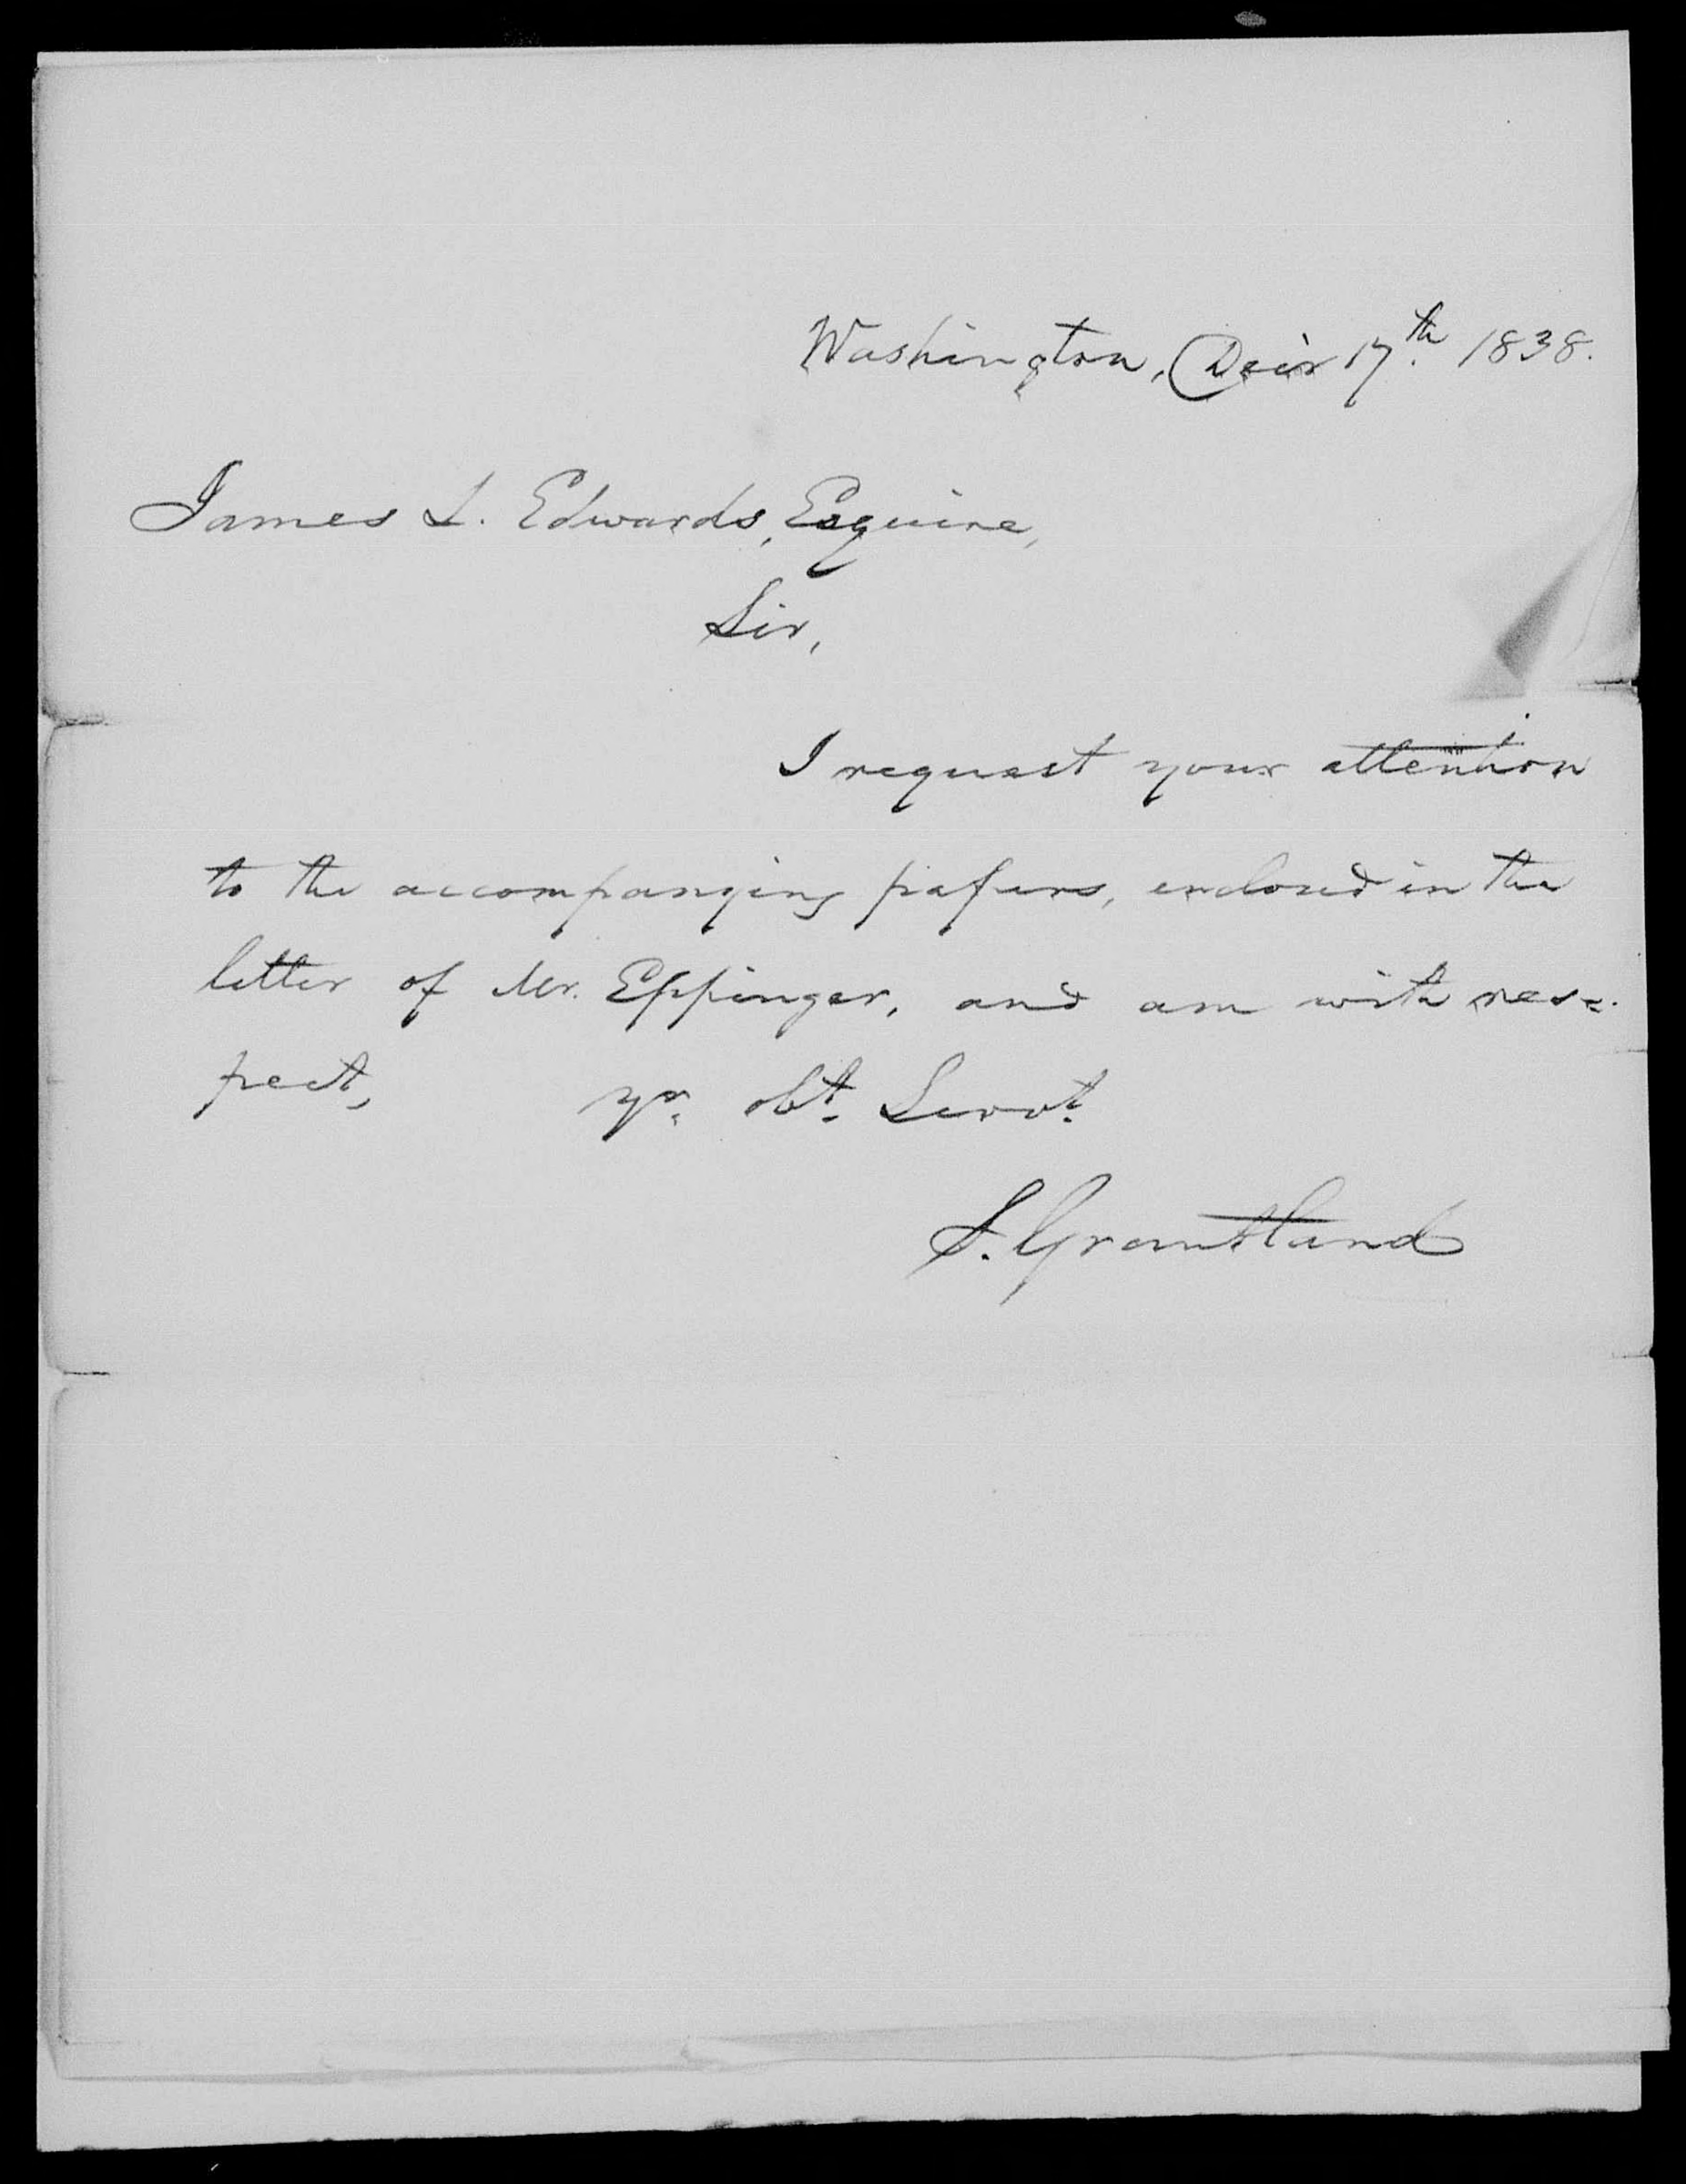Washington, Decr 17th 1838.
James L. Edwards, Esquire
Sir
I request your attention to the accompanying papers, enclosed in the letter of Mr. Eppinger, and am with respect
Your Obt Servt
S. Grantland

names: James L Edwards, Eppinger, S Grantland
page: 29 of 63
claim: widow's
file: W. 4175, Joseph Davidson, N.C.